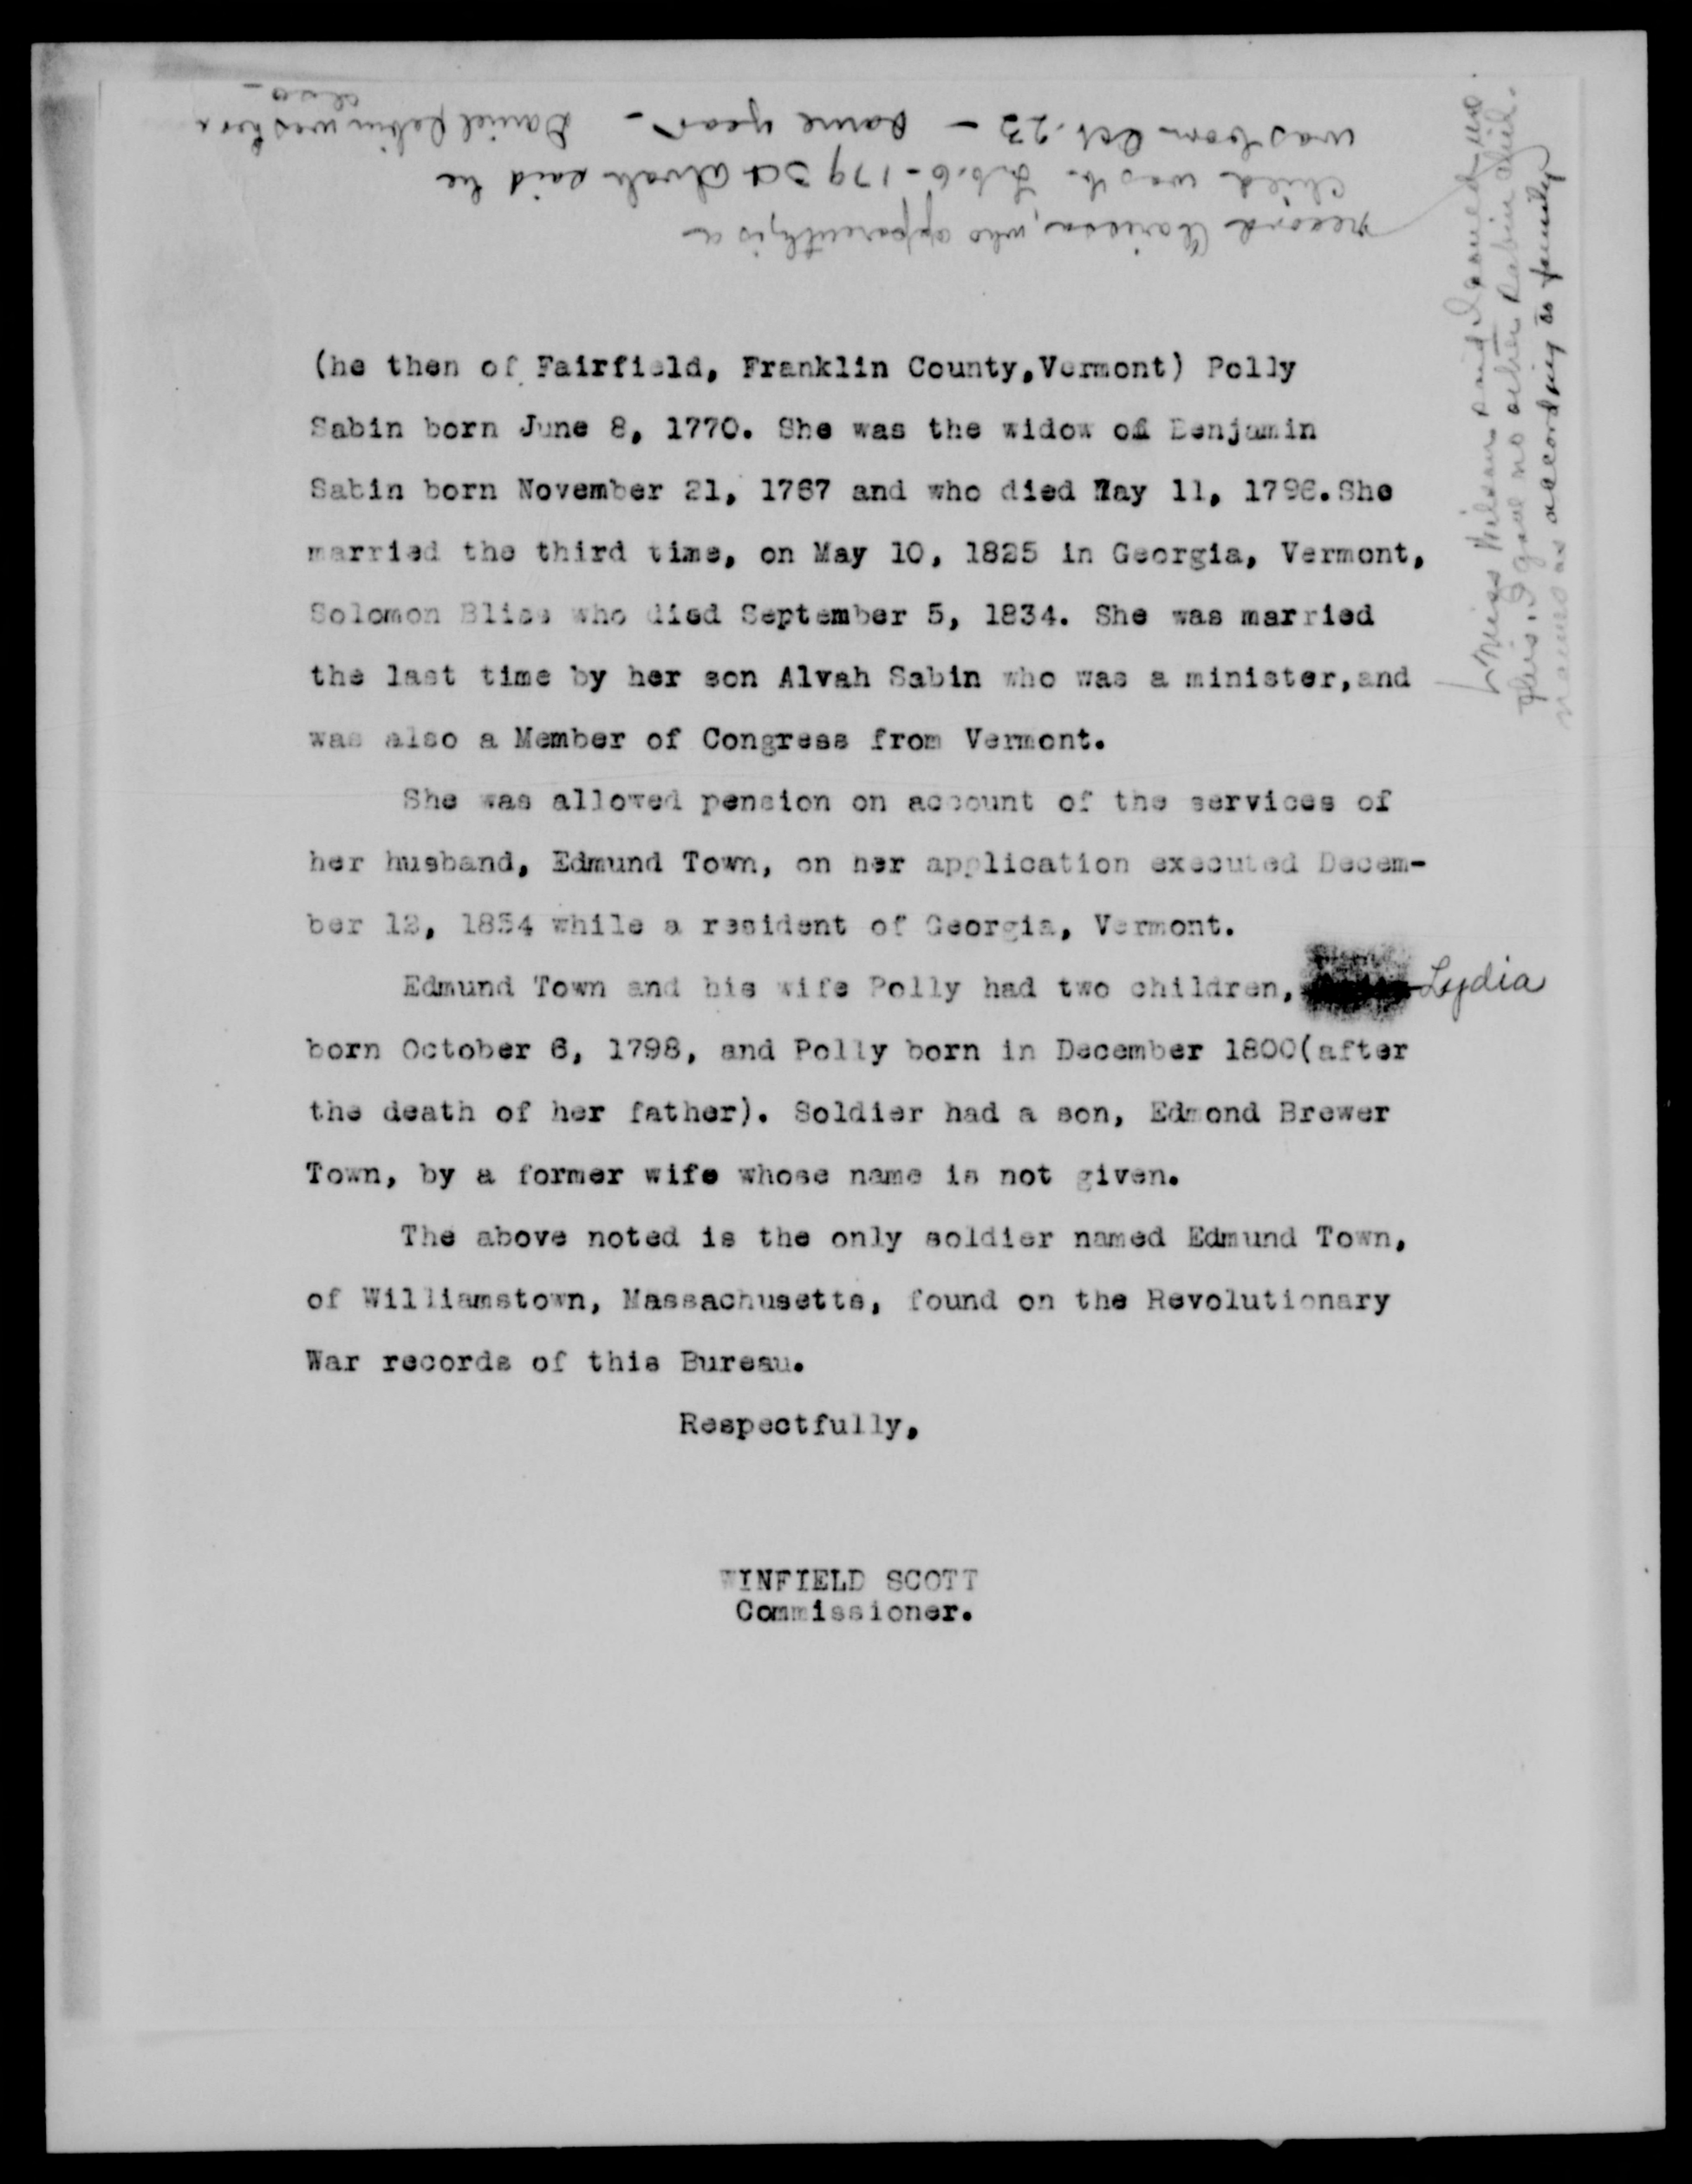(he then of Fairfield, Franklin County, Vermont) Polly Sabin born June 8, 1770. She was the widow of Benjamin Sabin born November 21, 1867 and who died May 11, 1796. She married the time on May 10, 1825 in Georgia, Vermont, Solomon Bliss who died September 5, 1834. She was married the last time by her son Alvah Sabin who was a minister, and also a Member of Congress from Vermont.
She was allowed pension on account of the services of her husband, Edmund Town, on her application executed December 12, 1834 while a resident of Georgia, Vermont.
Edmund Town and his wife Polly had two children Lydia born October 6, 1798, and Polly born in December 1800 (after the death of her father).  Soldier had a son, Edmond Brewer Town, by a former wife whose name is not given.
The above noted is the only soldier named Edmund Town, of Williamstown, Massachusetts, found on the Revolutionary 
War records of this Bureau.
Respectfully,
Winfield Scott
Commissioner

(hand written notation-"Miss Wilson and I could use this. I gave no other Sabin child named as according to family records. Clarissa who apparently is a child was b. Feb. 6, 1793 & Alvah said he was born Oct. 23-same year. Daniel Sabin was born also.")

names: Edmund Town, Polly, Edmond Brewer Town, Winfield Scott, Alvah Sabin, Wilson, Lydia, Alvah, Sabin, Benjamin Sabin, Solomon Bliss, Daniel Sabin, Edmund Town, Polly Sabin, Polly, Edmund Town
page: 18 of 64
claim: widow's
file: W. 5831, Edmund Town, Mass.